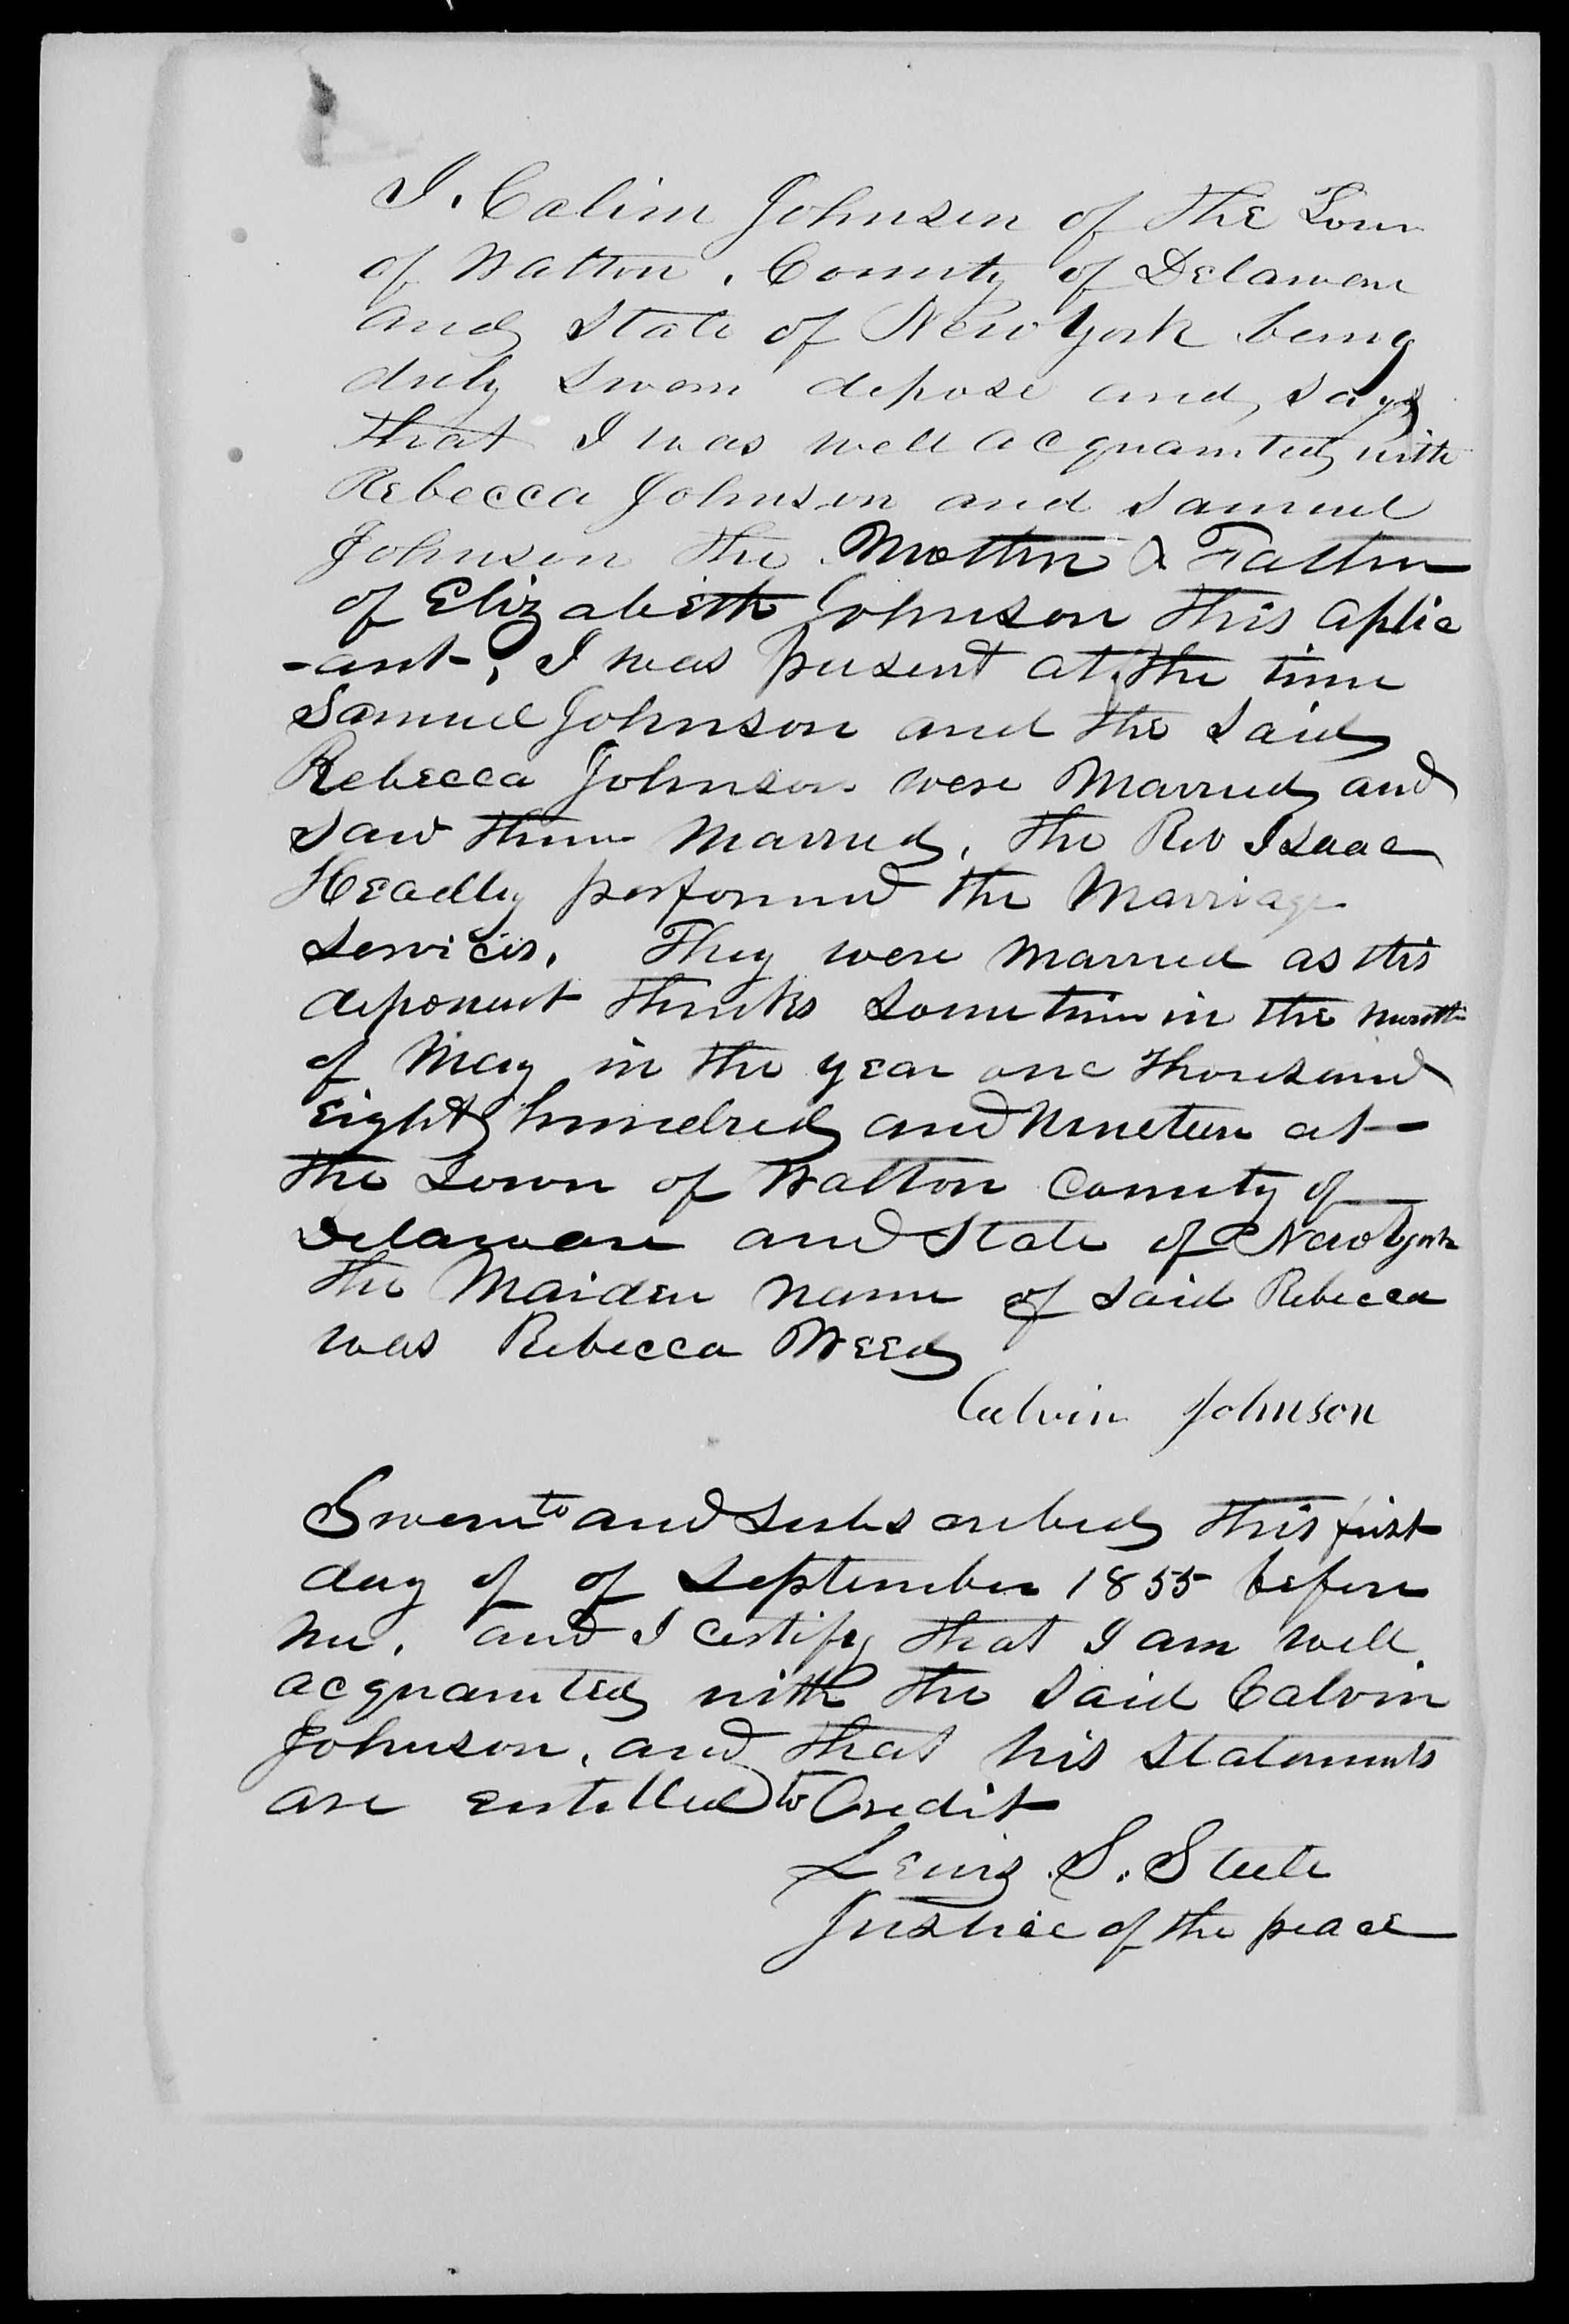I Calvin Johnson of the Town of Walton County of Delaware and State of New York being duly sworn depose and says that I was well acquainted with Rebecca Johnson and Samuel Johnson the Mother & Father of Elizabeth Johnson this applicant and I was present at the time Samuel Johnson and the said Rebecca Johnson were married and saw them married, the Rev Isaac Headley performed the Marriage Services .  They were married as the deponent thinks sometime in the month of May in the year one Thousand eight hundred and nineteen at the Town of Walton County Delaware and State of New York.  The Maiden name was Rebecca Weed 
Calvin Johnson
Sworn to and subscribed this first day of of September 1855 before me and I certify that I am well acquainted with the said Calvin Johnson, and that his statements are entitled to credit 
Lewis S. Steele Justice of the peace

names: Samuel Johnson; Rebecca Weed; Isaac Headley; Calvin Johnson; Elizabeth Johnson; Rebecca Johnson; Lewis S Steele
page: 20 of 43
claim: rejected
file: R. 5655, for Samuel Johnson, Connecticut